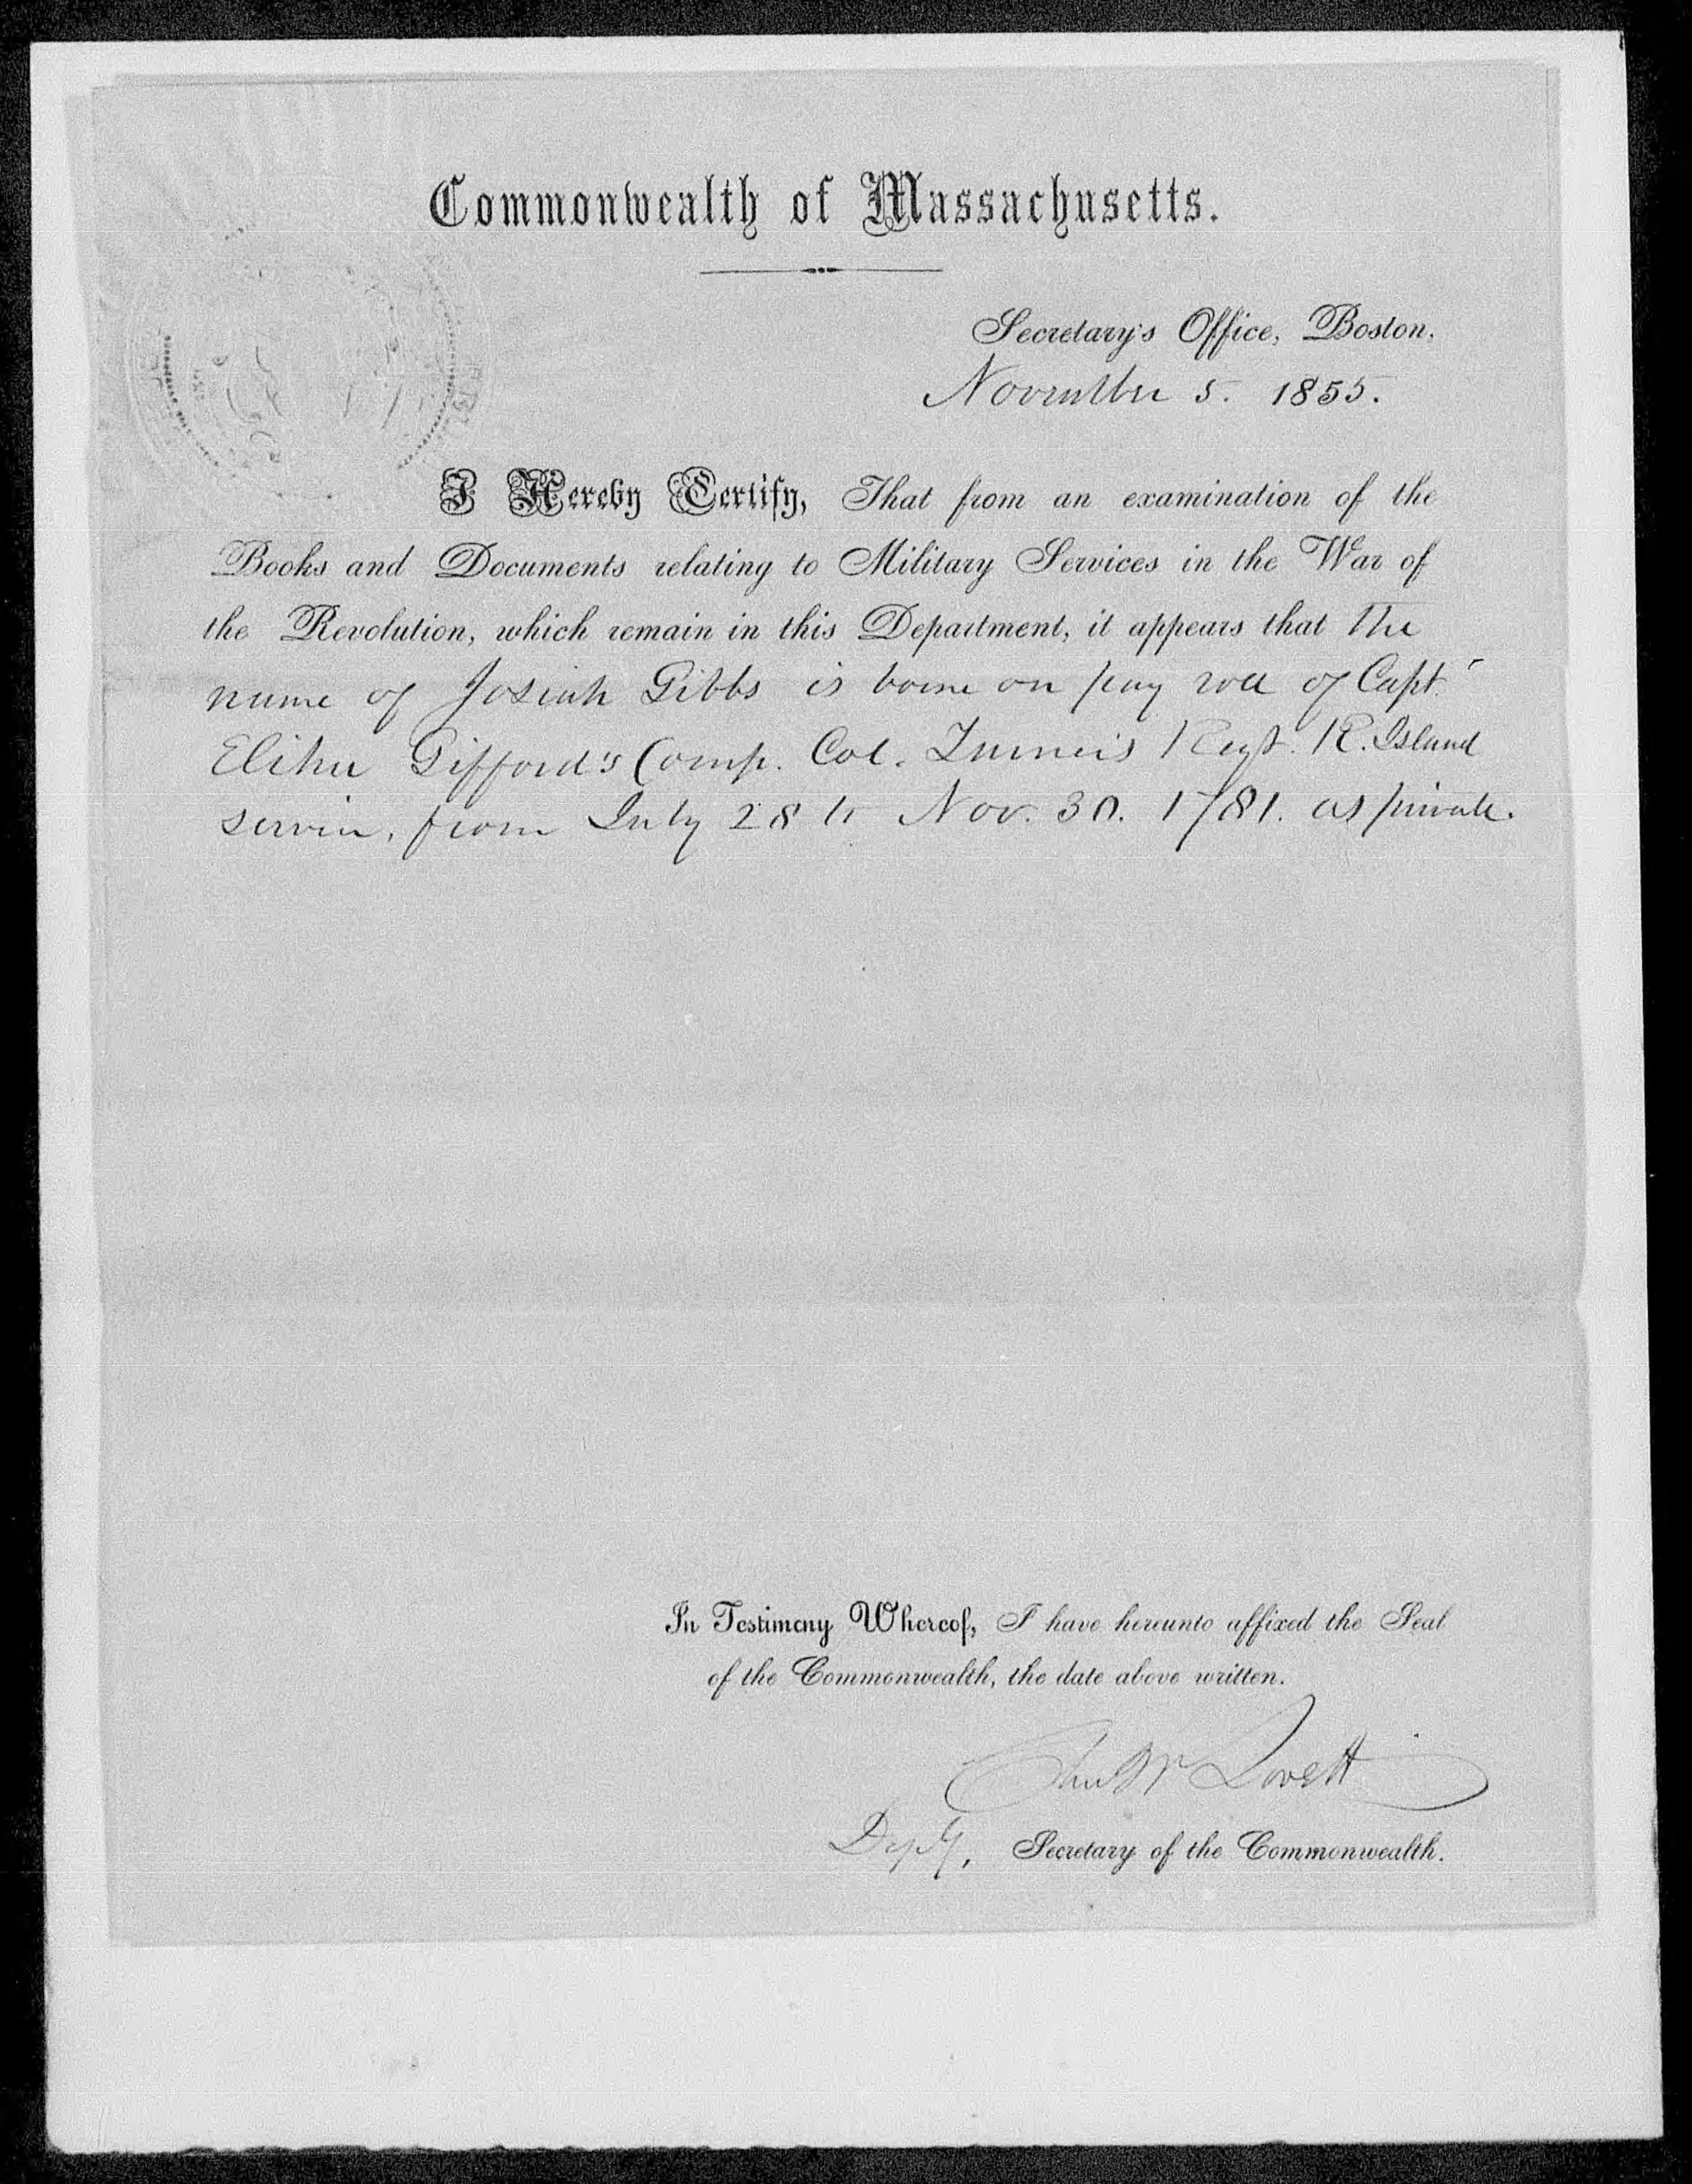Commonwealth of Massachusetts
Secretary's Office, Boston
November 5. 1855
I Hereby Certify, That from an examination of the Books and Documents relating to Military Services in the War of the Revolution, which remain in this Department, it appears that the
name of Josiah Gibbs is borne on pay roll of Capt. Elihu Gifford's Comp. Col. Turner's Regt. R. Island service, from July 28 16 Nov. 30. 1781 as private
In Testimony Whereof, I have hereunto affixed the Seal of the Commonwealth, the date above written.
Charles W Lovett
Dep'ty. Secretary of the Commonwealth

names: Josiah Gibbs, Chas W Lovett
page: 24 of 33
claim: widow's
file: W. 4681, Josiah Gibbs, Mass